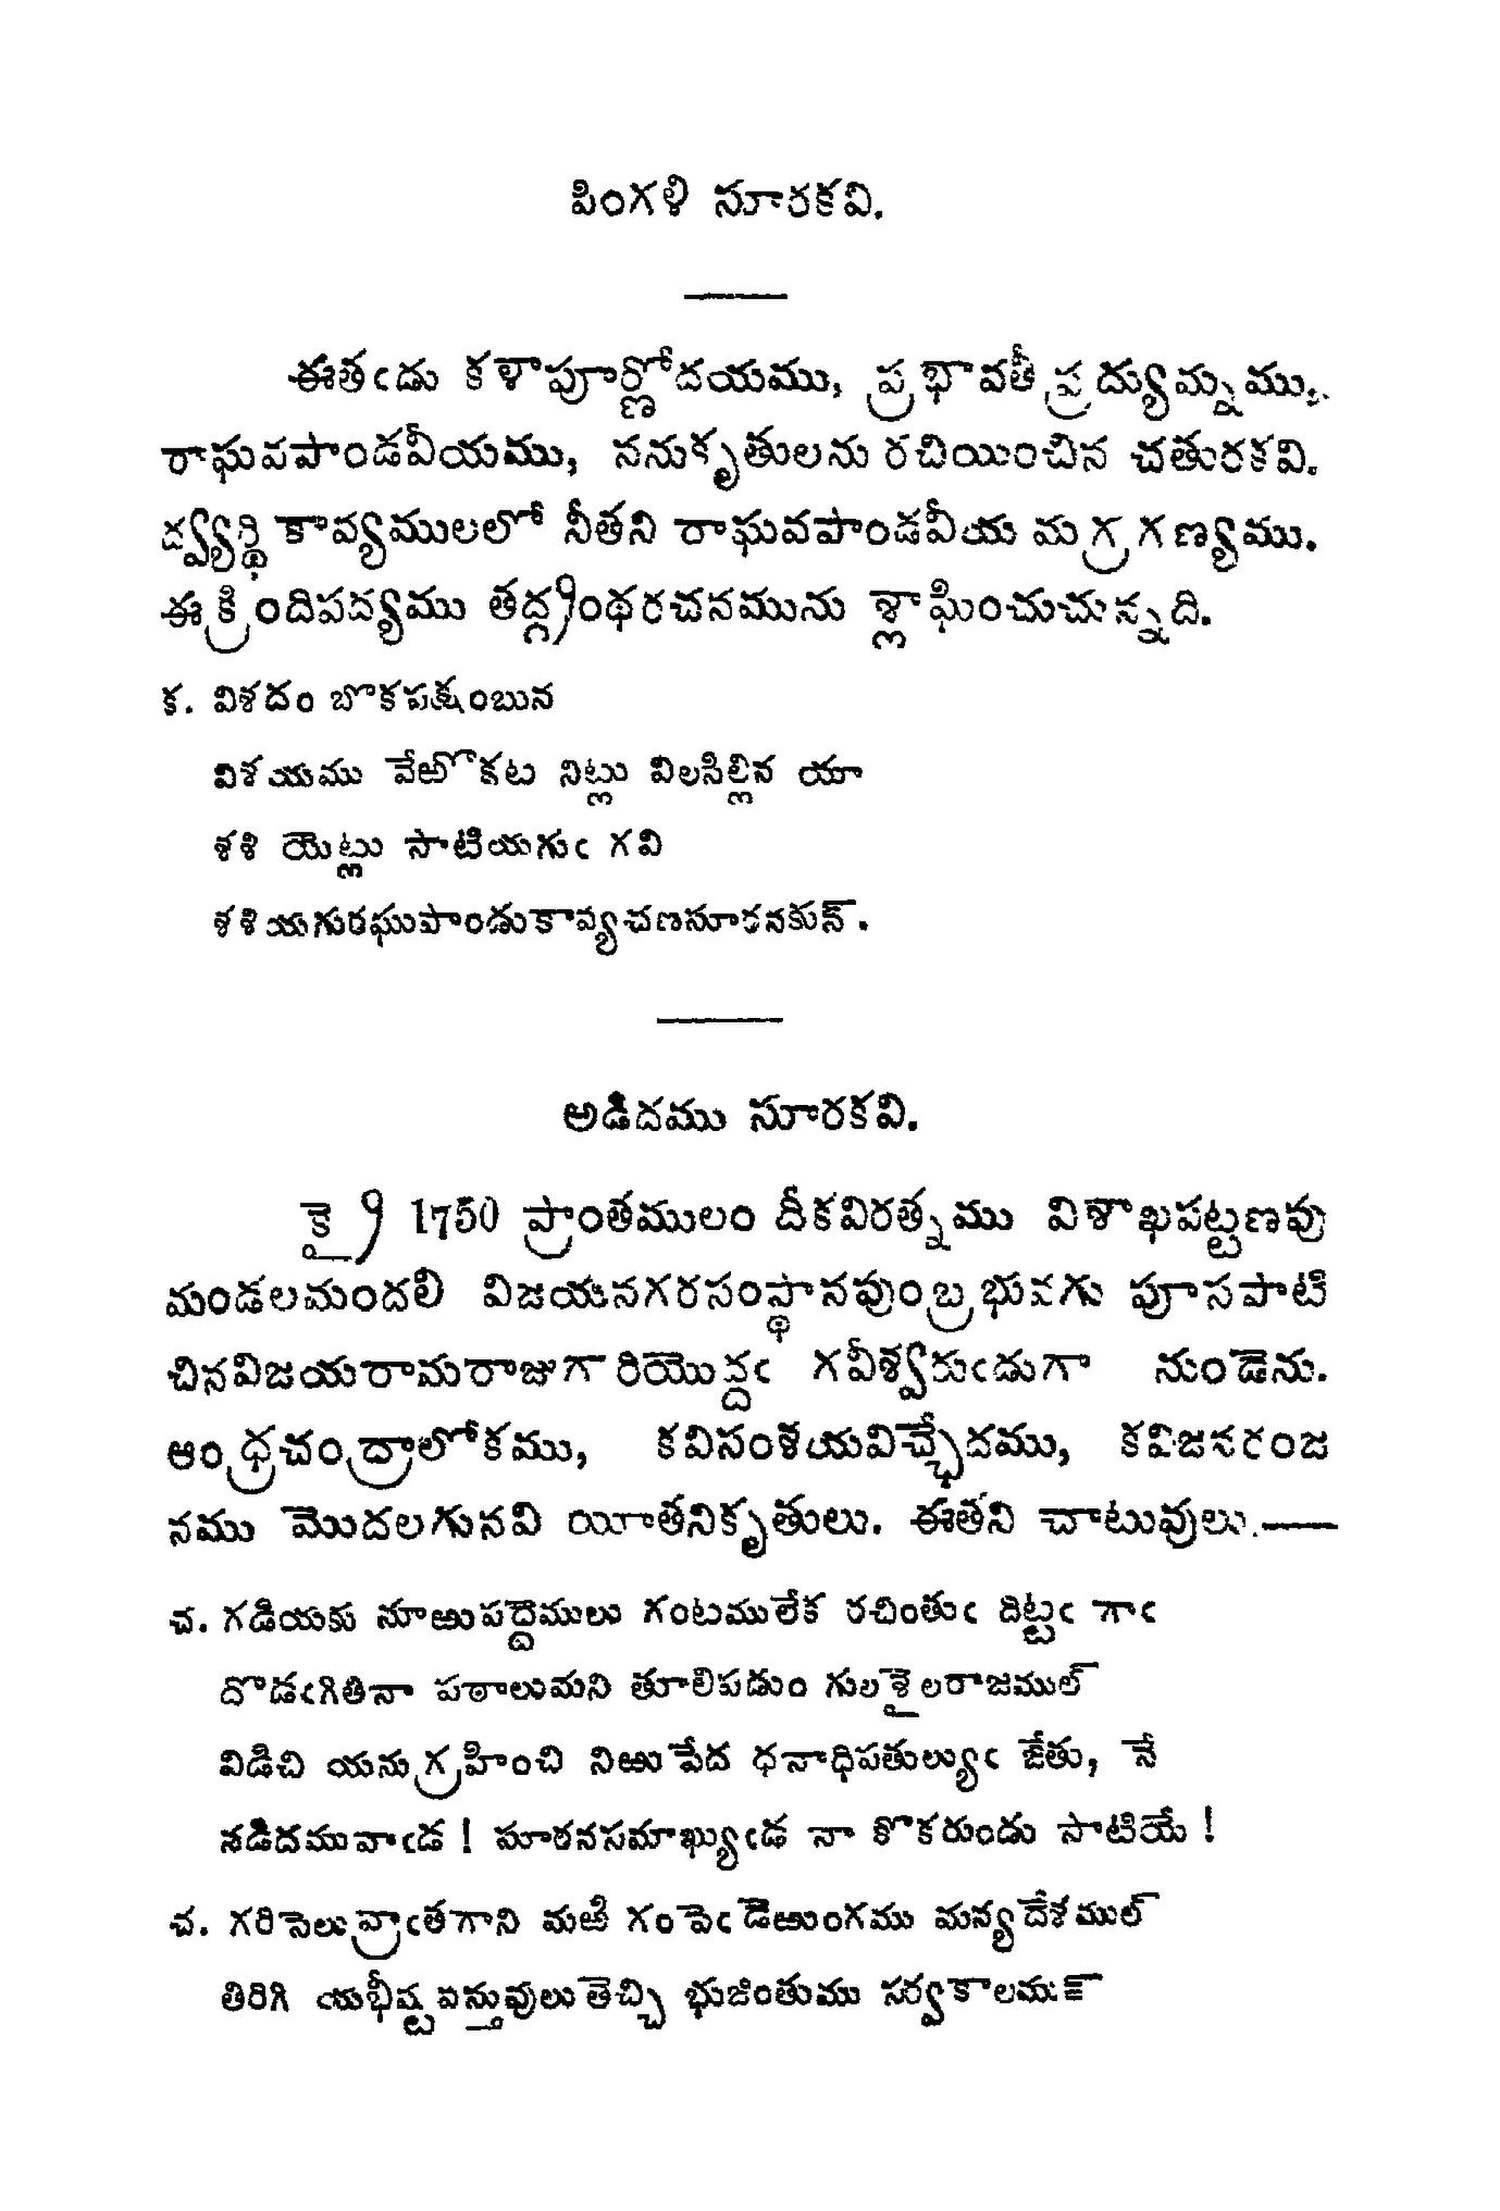ఈతడు కళాపూర్ణోదయము, ప్రభావతీప్రద్యుమ్నము, రాఘవపాండవీయము ననుకృతులను రచియించిన చతురకవి. ద్వ్యర్థికావ్యములలో నీతని రాఘవపాండవాయ మగ్రగణ్యము. ఈక్రిందిపద్యము తద్గ్రంథరచనమును శ్లాఘించుచున్నది.
క. విశదం బొకపక్షంబున
 విశయము వేఱొకట నిట్లు విలసిల్లిన యా
 శశి యెట్లు సాటియగుఁ గవి
 శశియగు రఘుపాండుకావ్యచరణసూరనకున్.

క్రై.1750 ప్రాంతములం దీకవిరత్నము విశాఖపట్టణపు మండలమందలి విజయనగరసంస్థానపుంబ్రభువగు పూసపాటి చినవిజయరామరాజుగారియొద్దఁ గవీశ్వరుఁడుగా నుండెను. ఆంధ్రచంద్రాలోకము, కవిసంశయవిచ్ఛేదము, కవిజనరంజనము మొదలగునవి యీతను కృతులు. ఈతని చాటువులు—
చ. గడియకు నూఱుపద్దెములు గంటములేక రచింతుఁ దిట్టఁగాఁ
 దొడఁగితినా పఠాలుమని తూలిపడుం గులశైలరాజముల్
 విడిచి యనుగ్రహించి నిఱుపేద ధనాధిపతుల్యుఁ జేతు, నే
 నడిదమువాఁడ! సూరనసమాఖ్యుఁడ! నా కొకరుండు సాటియే!
చ. గరిసెలువ్రాఁతగాని మఱిగంపెఁ డెఱుంగము మన్యదేశముల్
 తిరిగి యభీష్టవస్తువులు తెచ్చి భుజింతుము సర్వకాలమున్